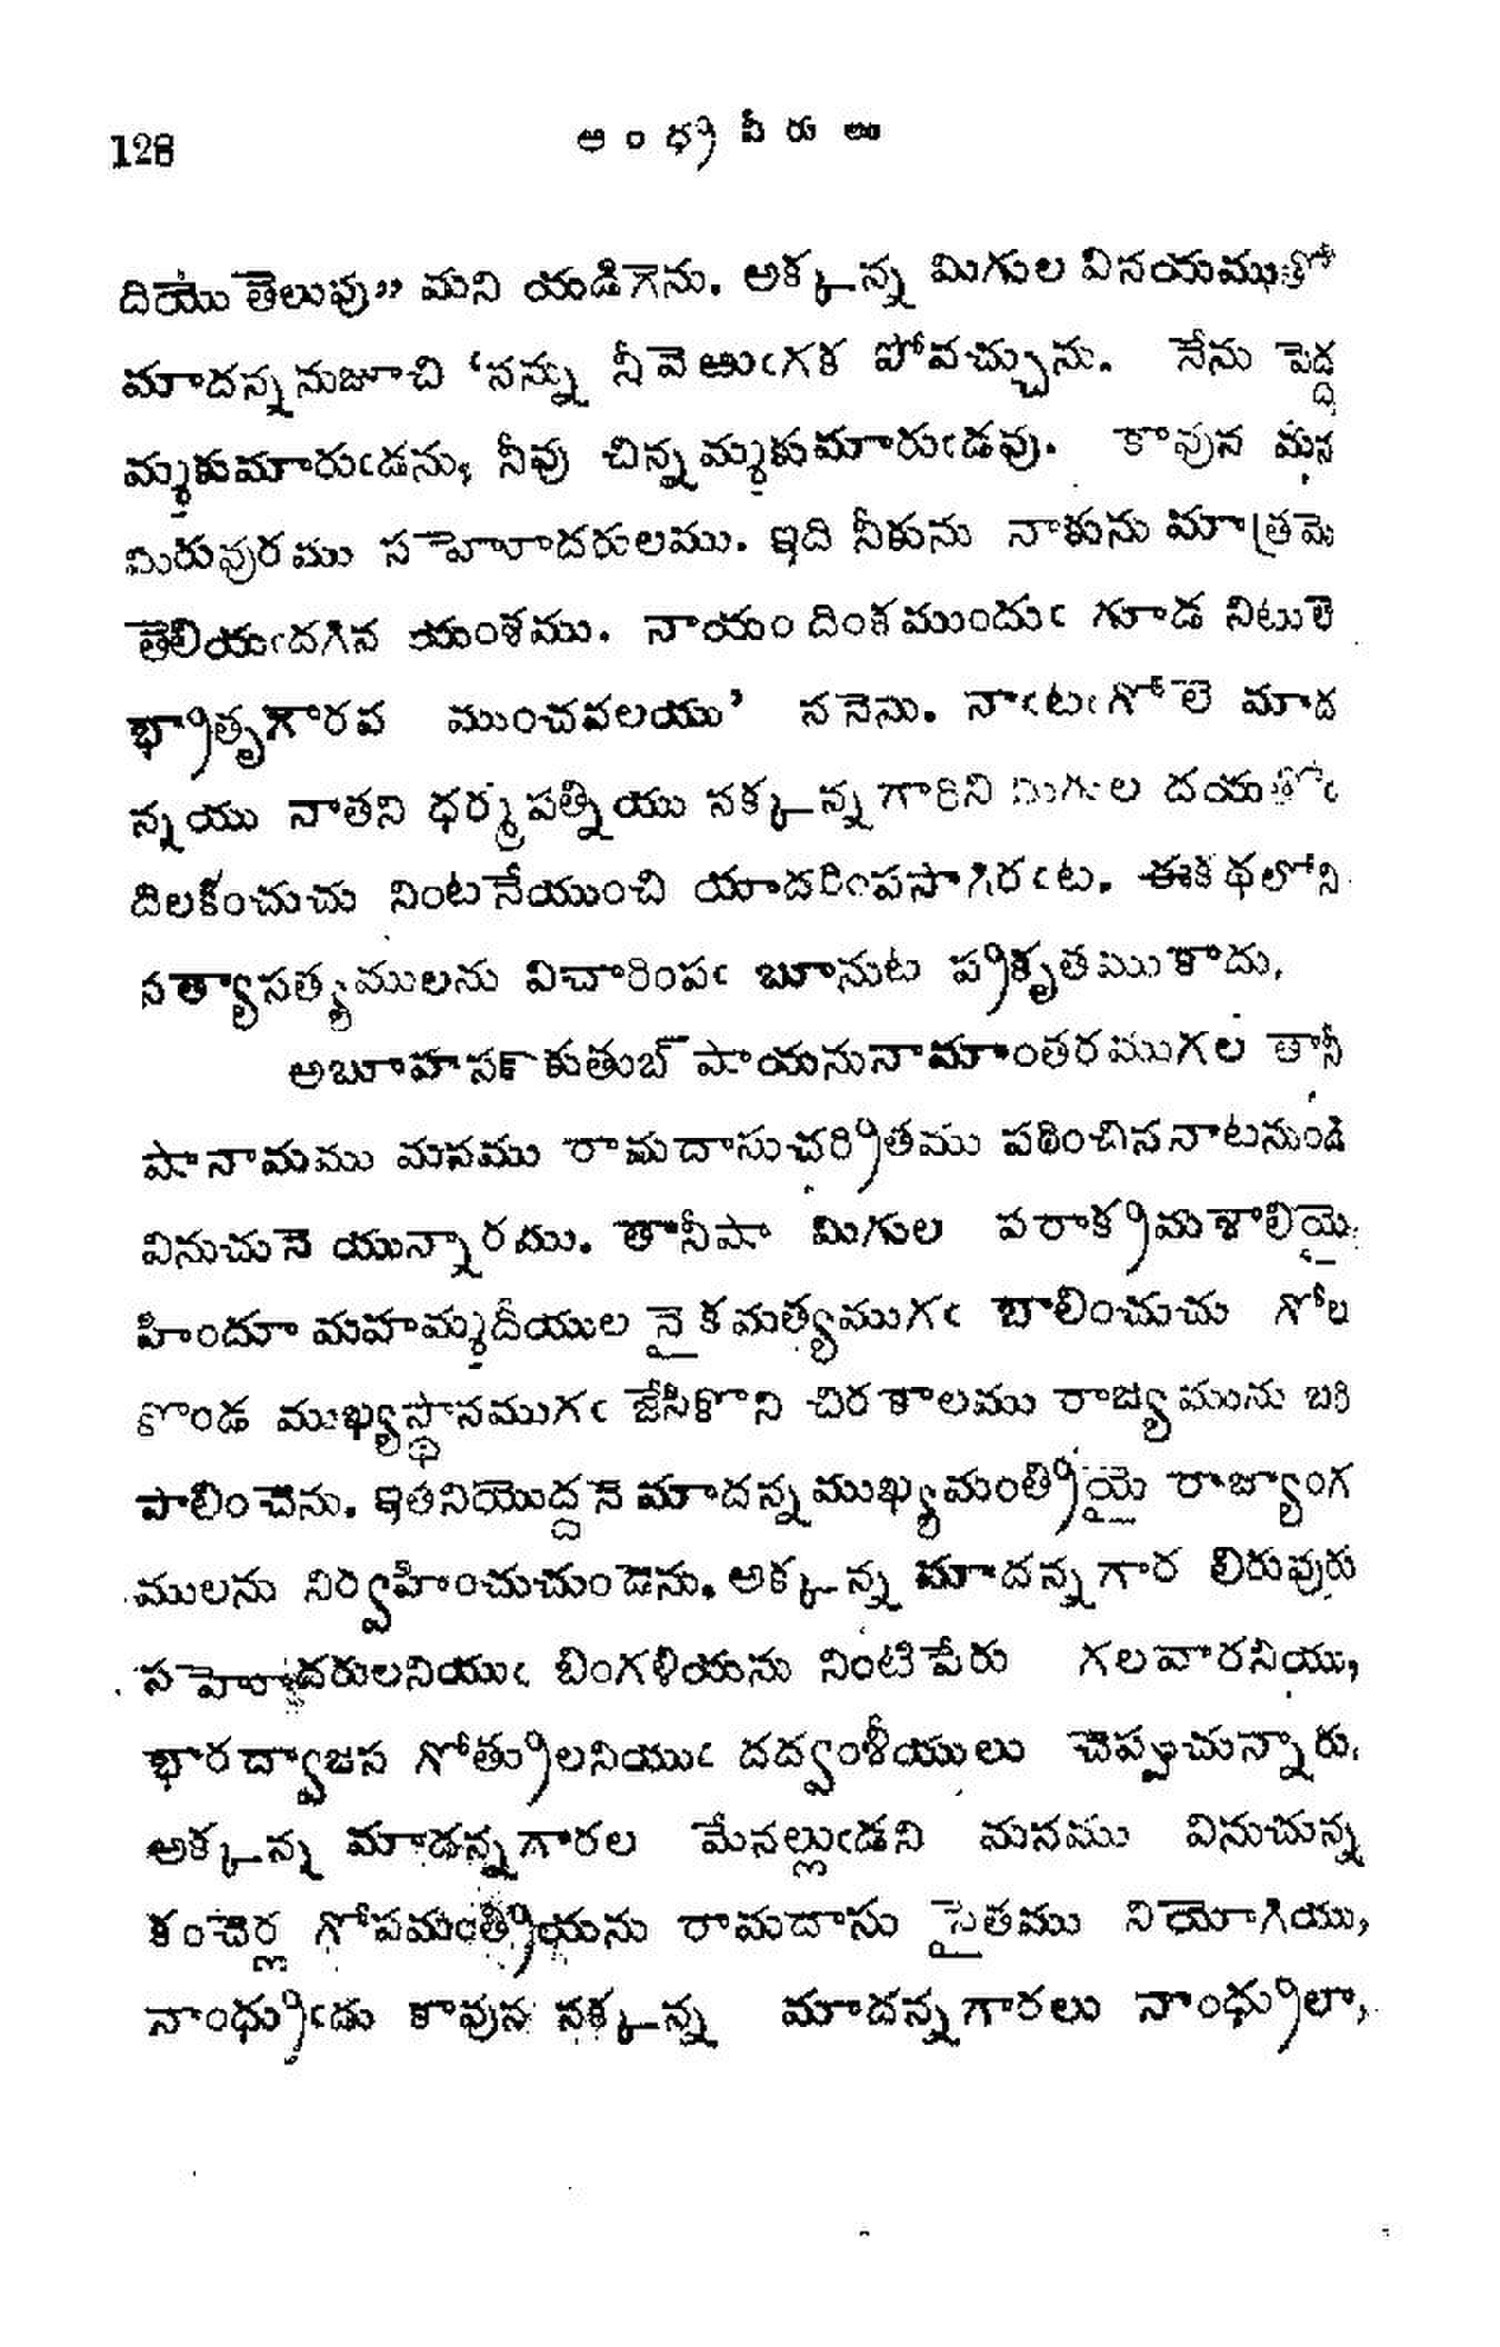దియొ తెలుపు"మని యడిగెను. అక్కన్న మిగుల వినయముతో మాదన్ననుజూచి 'నన్ను నీవెఱుగక పోవచ్చును. నేను పెద్దమ్మకుకుమారుడను, నీవు చిన్నమ్మకుమారుడవు. కావున మనమిరువురము సహోదరులము. ఇది నీకును నాకును మాత్రమె తెలియదగిన యంశము. నాయందింకముందు గూడ నిటులె భ్రాతృగౌరవ ముంచవలయు' ననెను. నాట గోలె మాదన్నయు నాతని ధర్మపత్నియు నక్కన్నగారిని మిగుల దయతో దిలకించుచు నింటనేయుంచి యాదరింపసాగిరట. ఈకథలోని సత్యాసత్యములను విచారింప బూనుట ప్రకృతముకాదు.

అబూహసన్ కుతుబ్‌షా యనునామాంతరముగల తానీషానామము మనము రామదాసుచరిత్రము పఠించిననాటనుండి వినుచునె యున్నారము. తానీషా మిగుల పరాక్రమశాలియై హిందూ మహమ్మదీయుల నైకమత్యముగ బాలించుచు గోలకొండ ముఖ్యస్థానముగ జేసికొని చిరకాలము రాజ్యమును బరిపాలించెను. ఇతనియొద్దనె మాదన్నముఖ్యమంత్రియై రాజ్యాంగములను నిర్వహించుచుండెను. అక్కన్న మాదన్నగారి లిరువురు సహోదరులనియు బింగళియను నింటిపేరు గలవారనియు, భారద్వాజస గోత్రులనియు దద్వంశీయులు చెప్పుచున్నారు. అక్కన్న మాదన్నగారల మేనల్లుడని మనము వినుచున్న కంచెర్ల గోపమంత్రియను రామదాసు సైతము నియోగియు, నాంధ్రుడు కావున నక్కన్న మాదన్నగారలు నాంధ్రులా,